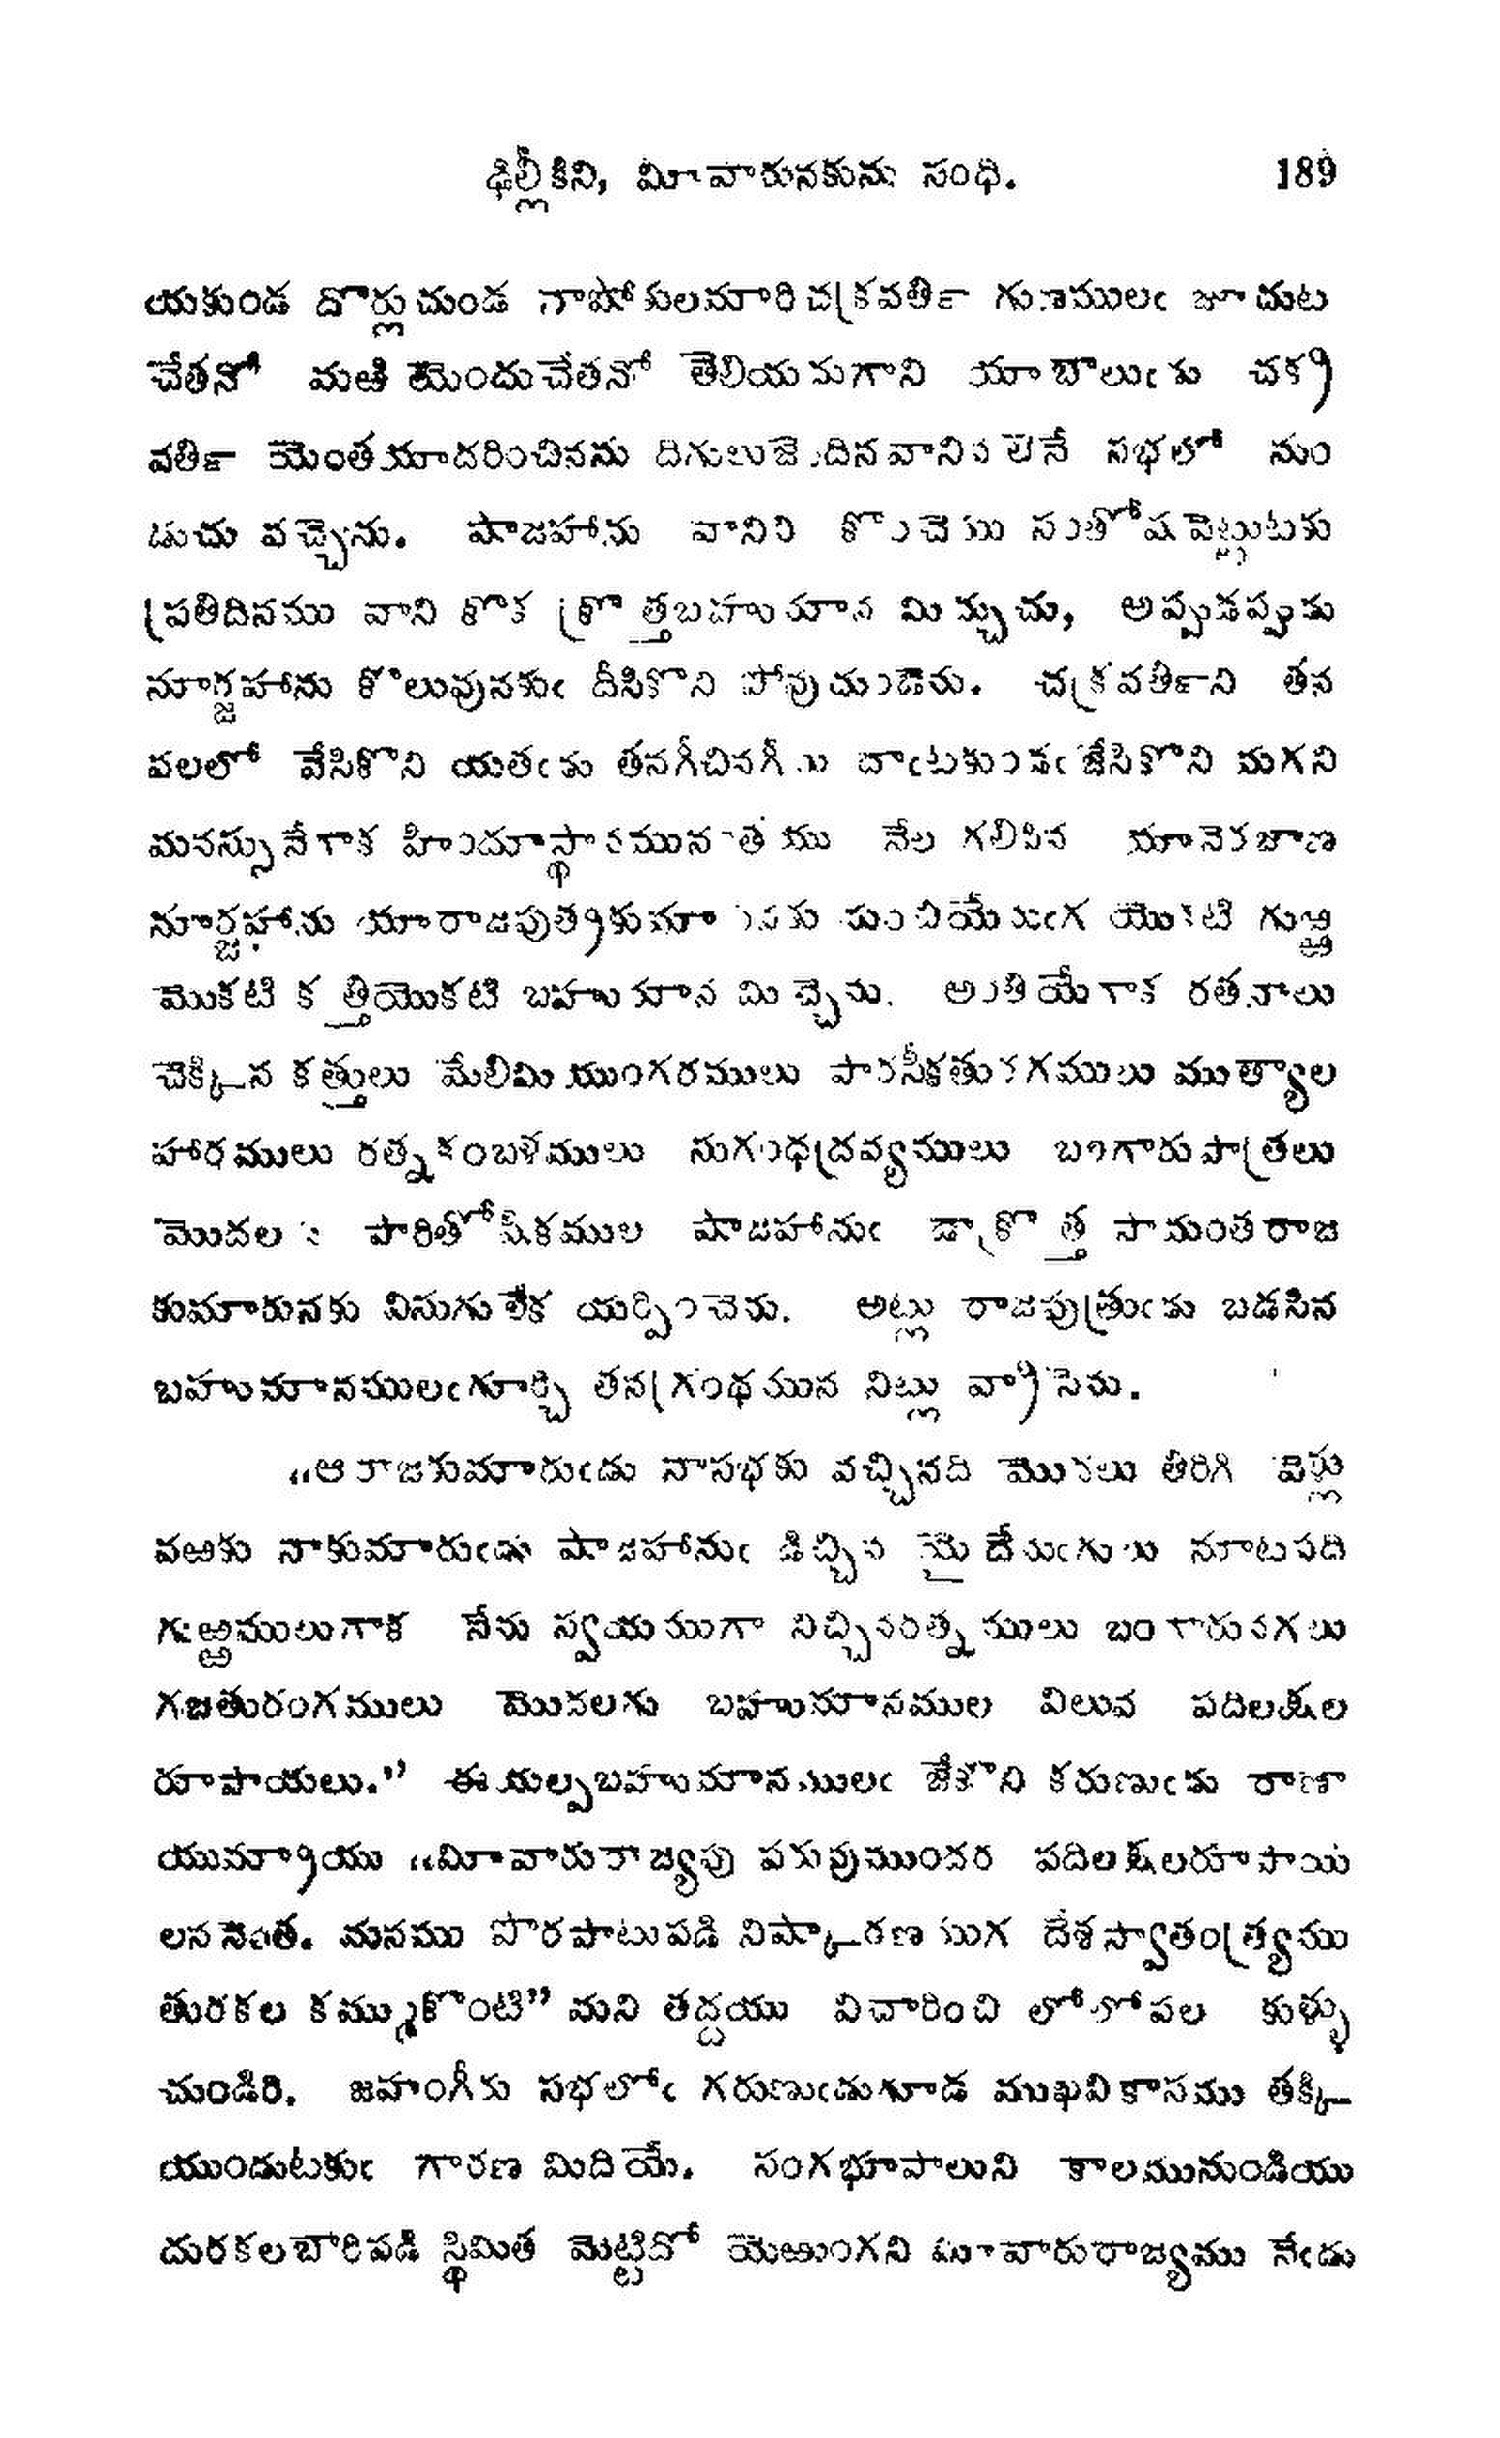యకుండ దొర్లుచుండ నాషోకులమారి చక్రవతి౯ గుణములఁ జూచుట చేతనో మఱి యెందు చేతనో తెలియదుగానీ యా బాలుఁడు చక్రవతి౯ యెంత యాదరించినను దిగులుజెందినవాని వలెనే సభలో నుండుచు వచ్చెను. షాజహాను వానిని కోంచెము సంతోష పెట్టుటకు ప్రతిదినము వాని కొక క్రొత్తబహుమాన మిచ్చుచు, అప్పుడప్పుడు నూర్జహాను కొలువునకుఁ దీసికొని పోవుచుండెను. చక్రవతి౯ని తన వలలో వేసికొని యతఁడు తనగీచిన గీటు దాఁటకుండ జేసికొని మగని మనస్సునేగాక హిందూస్థానమునంతయు నేల గలిపిన యానెరజాణ నూర్జహాను యారాజపుత్రకుమారునకు మంచియేనుఁగ యొకటి గుఱ్ఱ మొకటి కత్తియొకటి బహుమానమిచ్చెను. అంతియేగాక రతనాలు చెక్కిన కత్తులు మేలిమి యుంగరములు పారసీకతురగములు ముత్యాల హారములు రత్నకంబళములు సుగంధ ద్రవ్యములు బంగారు పాత్రలు మొదలగు పారితోషికముల షాజహానుఁ డా క్రోత్త సామంతరాజకుమారునకు విసుగులేక యర్పించెను. అట్లు రాజపుత్రుఁడు బడసిన బహుమానములఁ గూర్చి తన గ్రంథమున నిట్లు వ్రాసెను.

"ఆ రాజకుమారుఁడు నాసభకు వచ్చినది మొదలు తిరిగి వెళ్లు వఱకు నాకుమారుఁడు షాజహానుఁ డిచ్చిన యై దేనుఁగులు నూట పది గుఱ్ఱములుగాక నేను స్వయముగా నిచ్చినరత్నములు బంగారు నగలు గజతురంగములు మొదలగు బహుమానములు విలువ పదిలక్షల రూపాయలు.” ఈ యల్పబహుమానములఁ జేకొని కరుణుఁడు రాణా యుమ్రాయు “మీవారు రాజ్యపు పరువు ముందర పదిలక్షలరూపాయి లన నెంత. మనము పొరపాటు పడి నిష్కారణముగ దేశ స్వాతంత్య్రము తురకల కమ్ముకొంటి” మని తద్దయు విచారించి లోలోపల కుళ్ళు చుండిరి. జహంగీరు సభలోఁ గరుణుఁడు గూడ ముఖవికాసము తక్కి యుండుటకుఁ గారణ మిదియే. సంగభూపాలుని కాలమునుండియు దురకల బారిపడి స్థిమిత మెట్టిదో యెఱుంగని మీవారు రాజ్యము నేఁడు